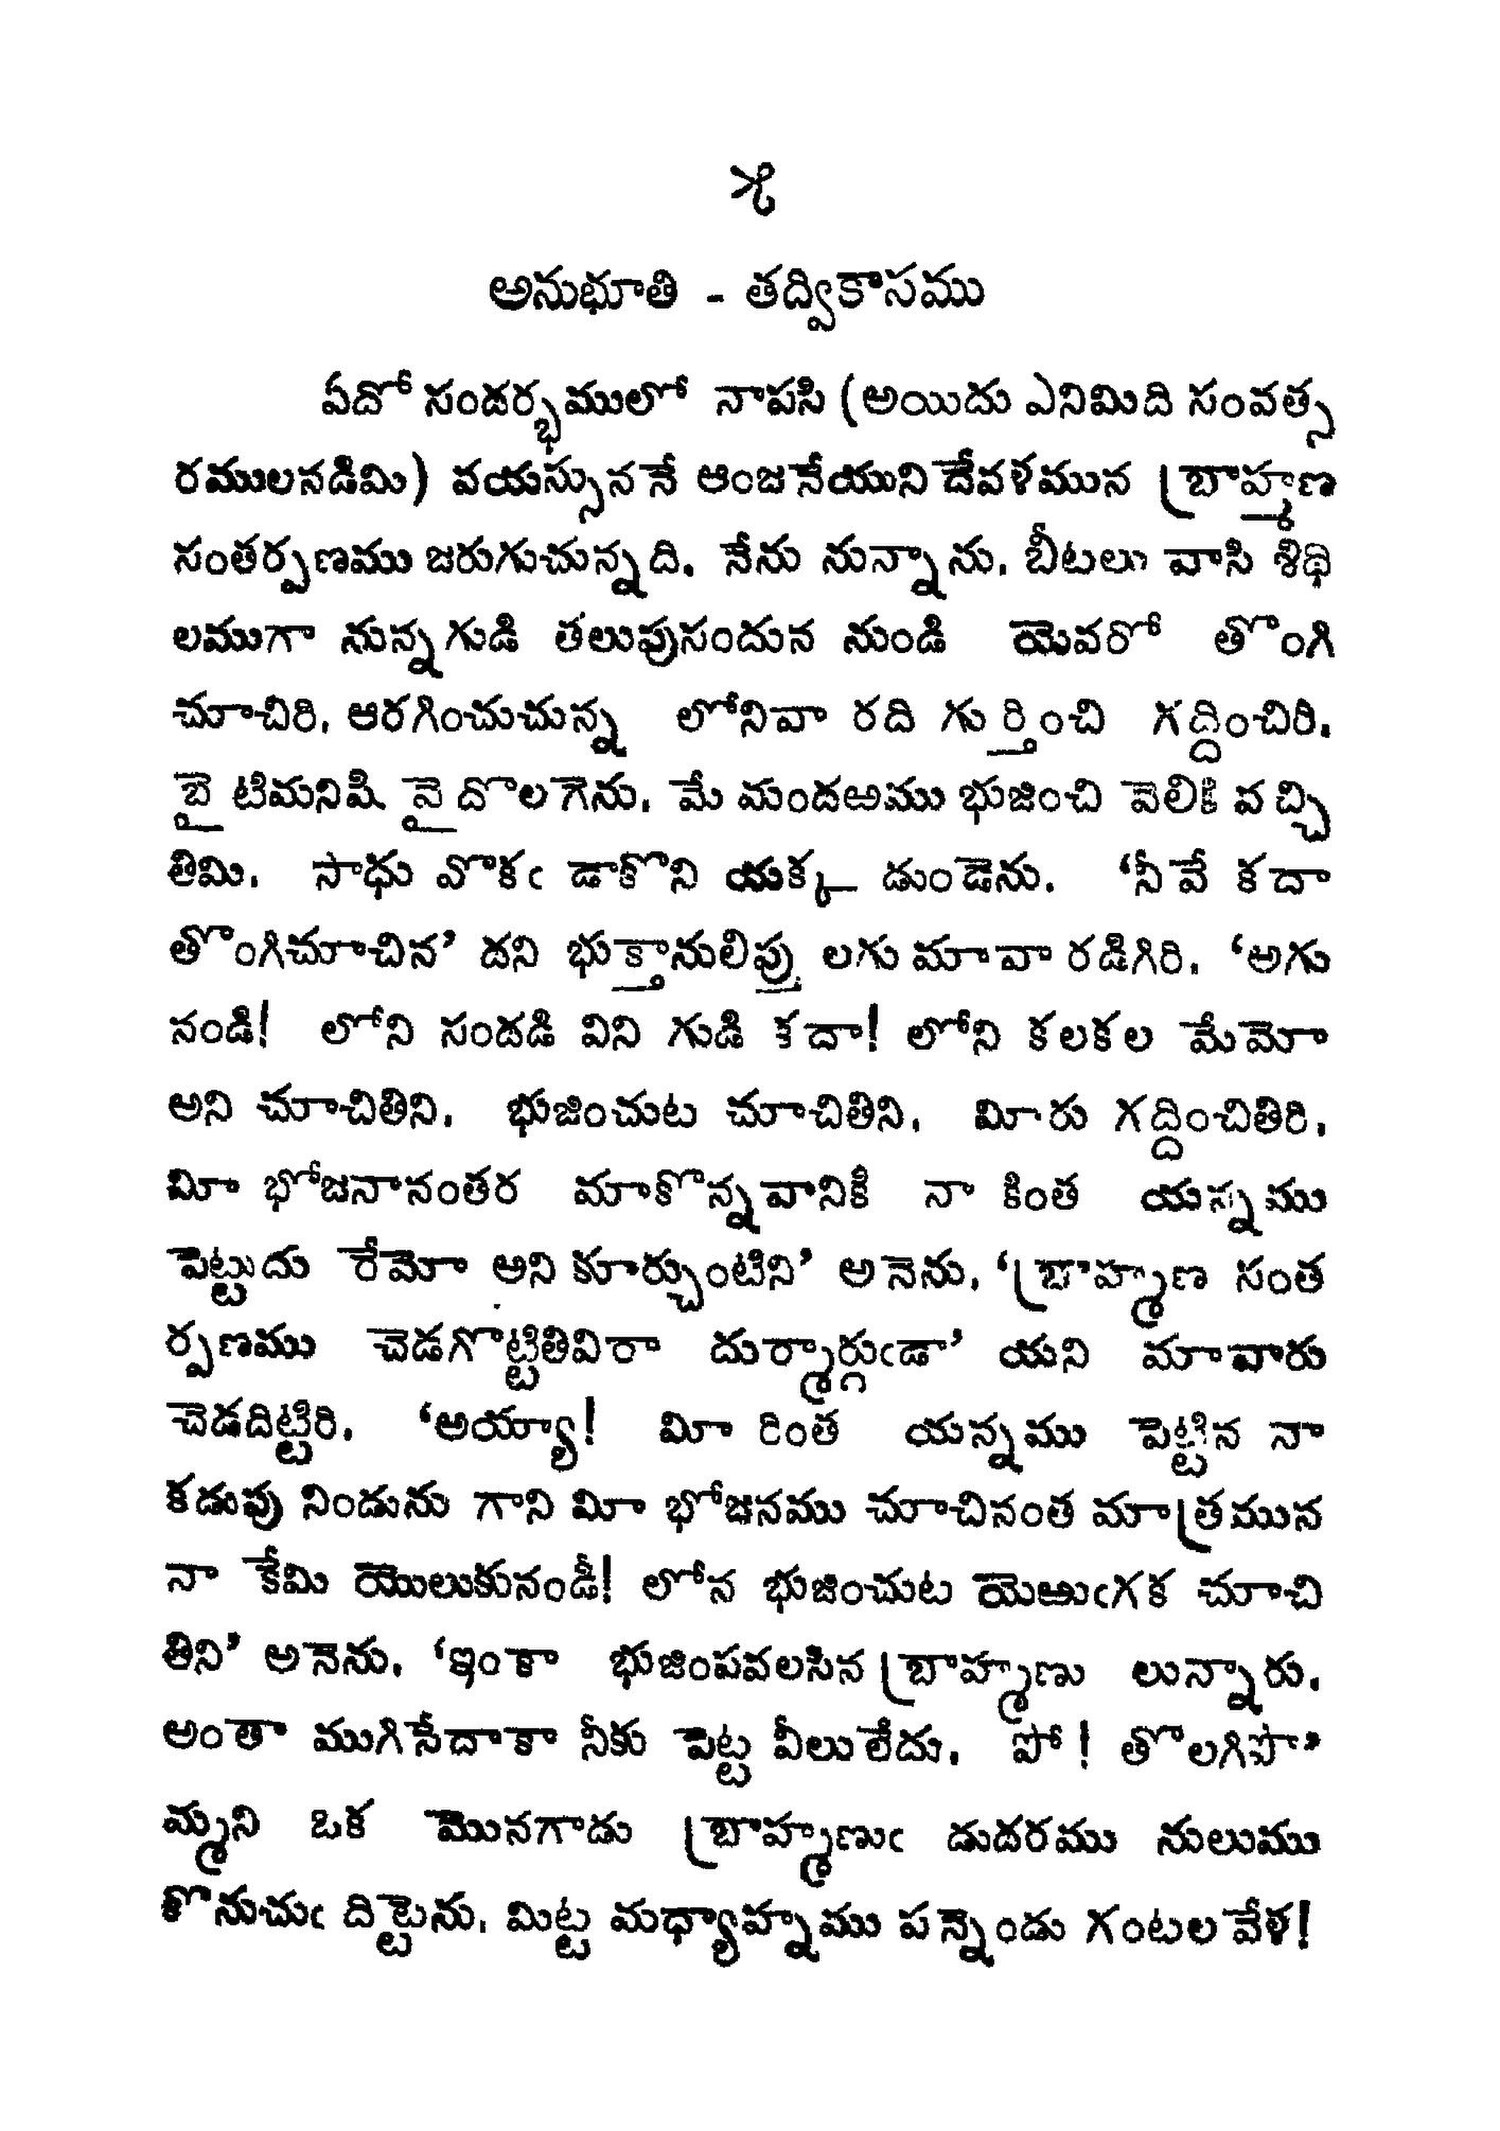ఏదో సందర్భములో నా పసి (అయిదు ఎనిమిది సంవత్సరముల నడిమి) వయస్సుననే ఆంజనేయుని దేవళమున బ్రాహ్మణ సంతర్పణము జరుగుచున్నది. నేను నున్నాను. బీటలు వాసి శిధిలముగా నున్న గుడి తలుపుసందున నుండి యెవరో తొంగిచూచిరి. ఆరగించుచున్న లోనివా రది గుర్తించి గద్దించిరి. బైటి మనిషి వైదొలగెను.మె మందఱము భుజించి వెలికి వచ్చితిమి. సాధు వొకఁ డాకొని యక్కడుండెను. ' నేవే కదా తొంగిచూచిన' దని భుక్తానులి ప్తులగు మావా రడిగిరి.' అగునండి! లోని సందడి విని గుడి కదా! లోని కళకళ మేమో అని చూచితిని. భుజించుట చూచితిని. మీరు గద్దించితిరి. మి భోజనానంతర మాకొన్న వానికి నా కింత యన్నము పెట్టుదు రేమో అని కూర్చుంటిని' అనెను.' బ్రాహ్మణ సంతర్పణము చెడగొట్టితివిరా దుర్మార్గుఁడా' యని మావారు చెడదిట్టిరి.' అయ్యా! మి రింత యన్నము పెట్టిన నా కడుపు నిండును గాని మి భోజనము చూచినంత మాత్రమున నాకేమి యొలుకు నండీ! లోన భుజింప వలసిన బ్రాహ్మణు లున్నారు. అంతా ముగిసేదాకా నీకు పెట్ట వీలు లేదు. పొ! తొలగిపొ' మ్మని ఒక మొనగాడు బ్రాహ్మణుఁ డుదరము నులుముకొనుచుఁ దిట్టెను. మిట్టమధ్యాహ్నము పన్నెండు గంటల వేళ!